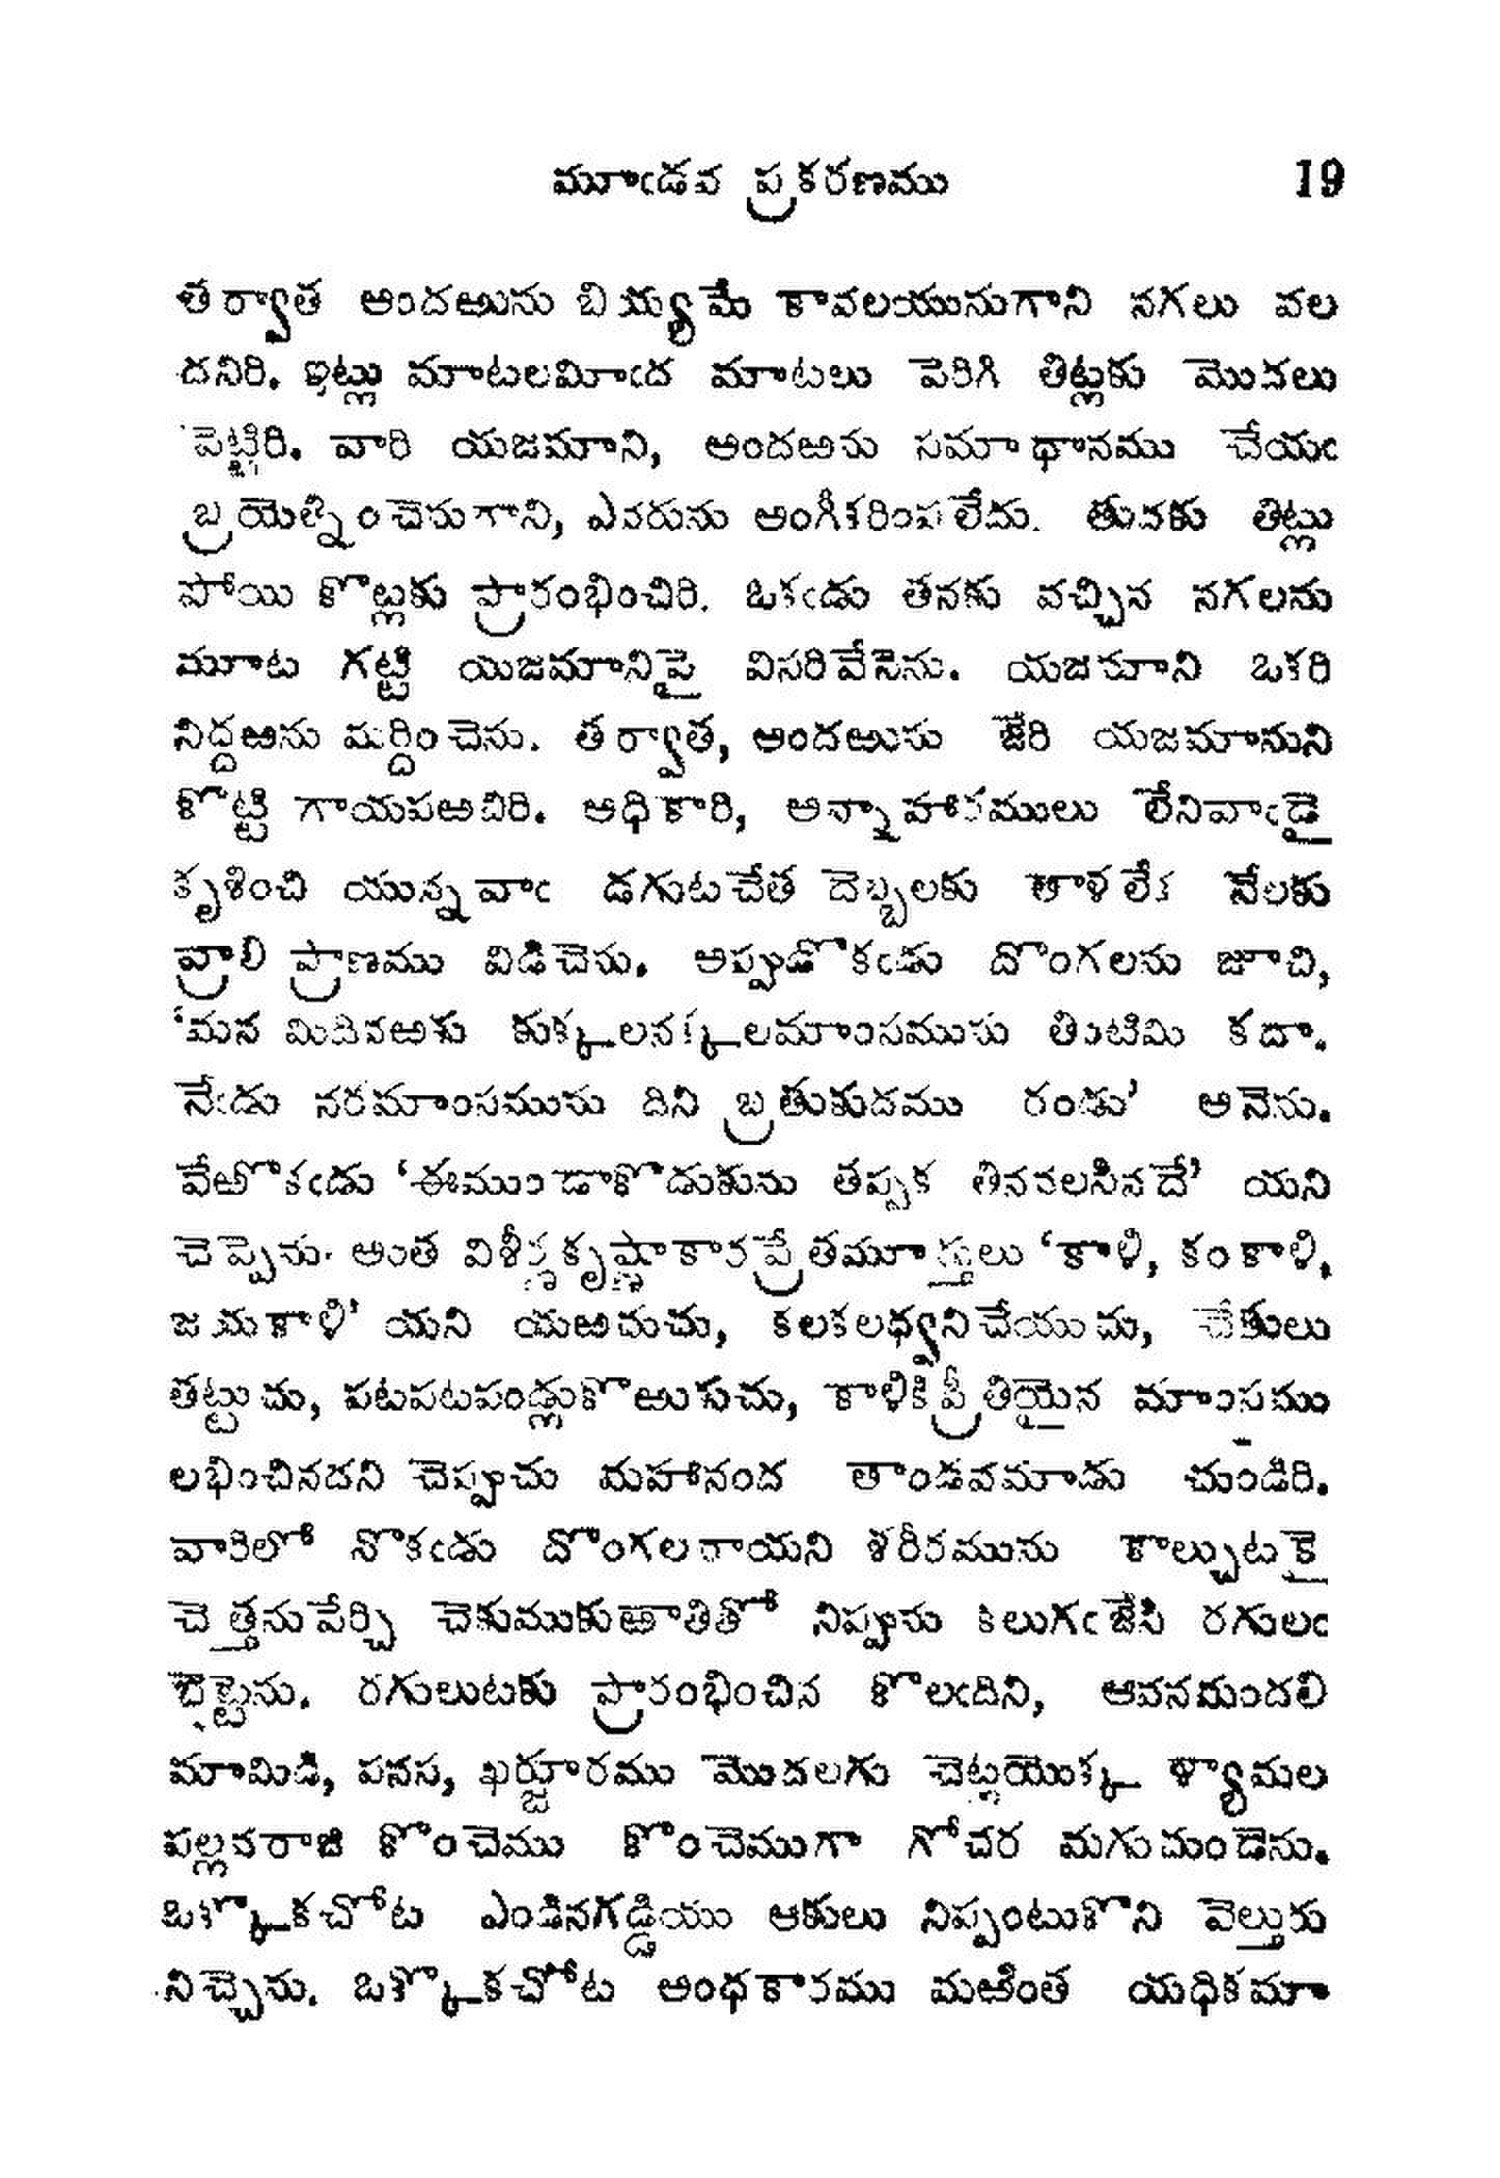తర్వాత అందఱును బియ్యమే కావలయునుగానీ నగలు వల దనిరి. ఇట్లు మాటల మీద మాటలు పెరిగి తిట్లకు మొదలు పెట్టిరి. వారి యజమాని, అందఱను సమాధానము చేయఁ బ్రయెత్నించెను గాని, ఎవరును అంగీకరింపలేదు. తుదకు తిట్లుపోయి కొట్లకు ప్రారంభించిరి. ఒకఁడు తనకు వచ్చిన నగలను మూట గట్టి యజమానిపై విసరివేసెను. యజమాని ఒకరి నిద్దఱను మర్ధించెను. తర్వాత, అందఱును జేరి యజమానుని గొట్టి గాయపఱచిరి. అధికారి, అన్నా హారములు లేనివాఁడై కృశించి యున్న వాఁ డగుట చేత దెబ్బలకు తాళలేక నేలకు
వ్రాలి ప్రాణము విడిచెను. అప్పుడొకఁడు దొంగలను జూచి, 'మన మిదివఱకు కుక్కలనక్కలమాంసమును తింటిమి కదా. నేడు నరమాంసమును దిని బ్రతుకుదము రండు ' అనెను. వేఱోకఁడు 'ఈముండాకొడుకును తప్పక తినవలసినదే' యని చెప్పెను. అంత విశీర్ణ కృష్ణాకార ప్రేతమూర్తులు 'కాళి, కంకాళి, జయకాళి' యని యఱచుచు, కలకలధ్వని చేయుచు, చేతులు తట్టుచు, పటపట పండ్లుకొఱుకుచు, "కాళికి ప్రీతియైన మాంసము లభించినదని చెప్పుచు మహానంద తాండవమాడు చుండిరి. వారిలో నొకఁడు దొంగలరాయని శరీరమును కాల్చుటకై చెత్తను పేర్చి చెకుముకు ఱాతితో నిప్పును కలుగఁ జేసి రగులఁ బెట్టెను. రగులుటకు ప్రారంభించిన కొలఁదిని, ఆవనమందలి మామిడి, పనస, ఖర్జూరము "మొదలగు చెట్ల యొక్క శ్యామల పల్లవరాజి కొంచెము కొంచెముగా గోచర మగుచుండెను.
ఒక్కోక చోట ఎండినగడ్డియు ఆకులు నిప్పంటుకొని వెళ్తురు నిచ్చెను. ఒక్కొకచోట అంధకారము మఱంత యధికమా